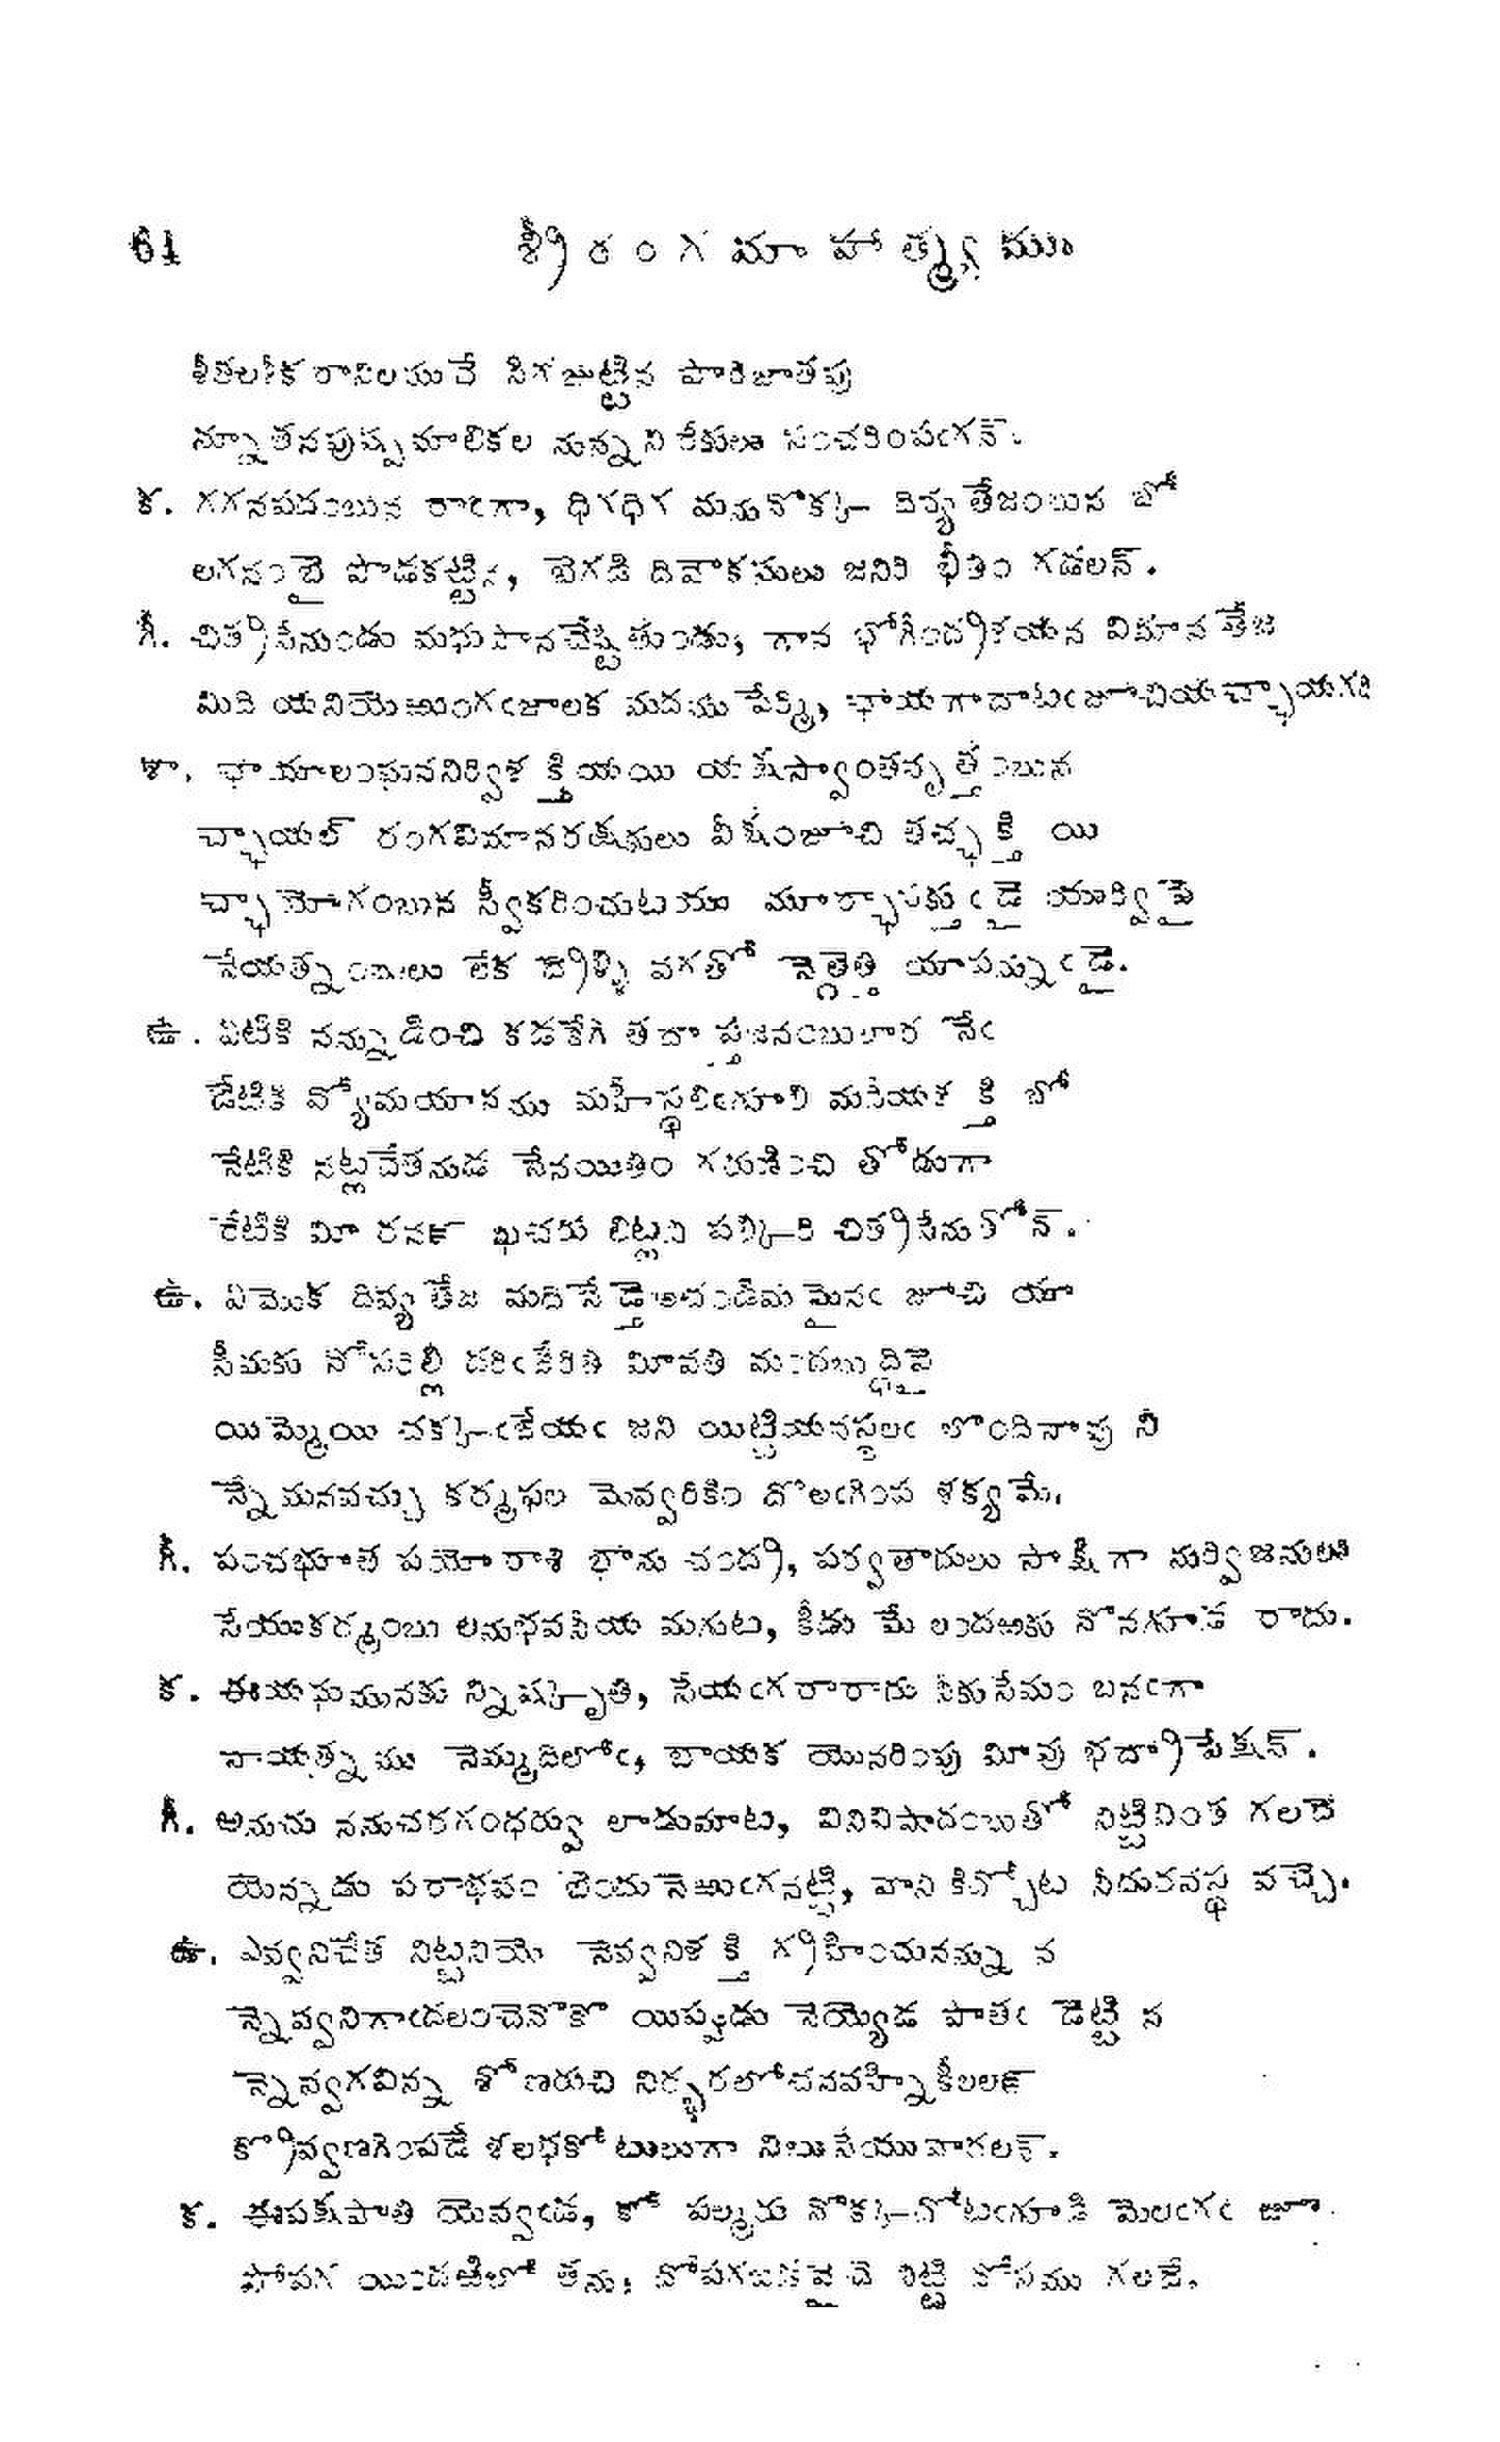శీతలశీకరానిలముచే సిగజుట్టిన పారిజాతపు
 న్నూతనపుష్పమాలికల నున్ననిరేకులు సంచరింపఁగన్.
క. గగనపదంబున రాఁగా, ధిగధిగ మనునొక్క దివ్యతేజంబున బో
 లగనంబై పొడకట్టిన, బెగడి దివౌకసులు జనిరి భీతిం గడలన్.
గీ. చిత్రసేనుండు మధుపానచేష్టితుండు, గాన భోగీంద్రశయన విమానతేజ
 మిది యనియెఱుంగఁజాలక మదము పేర్మి, ఛాయగా దాటఁజూచి యచ్ఛాయ గదిసి.
శా. ఛాయాలంఘననిర్విశక్తియయి యక్షస్వాంతవృత్తంబున
 చ్ఛాయల్ రంగవిమానరక్షకులు వీక్షంజూచి తచ్ఛక్తి యి
 చ్ఛాయోగంబున స్వీకరించుటయు మూర్ఛాసక్తుఁడై యుర్విపై
 నేయత్నంబులు లేక ద్రెళ్ళి వగతో నెల్గెత్తి యాపన్నుఁడై.
ఉ. ఏటికి నన్ను డించి కడకేగి తదాప్తజనంబులార నేఁ
 డేటికి వ్యోమయానము మహాస్థలిఁగూలి మదీయశక్తి బో
 నేటికి నట్లచేతనుడ నేనయితిం గరుణించి తోడుగా
 రేటికి మీ రనన్ ఖచరు లిట్లని పల్కిరి చిత్రసేనుతోన్.
ఉ. ఏమొక దివ్యతేజ మదినేడ్తెఱ చండిమమైనఁ జూచి యా
 సీమకు నోసరిల్లి దరిఁజేరితి మీ వతిమందబుద్ధివై
 యిమ్మెయి చక్కఁజేయఁ జని యిట్టి యవస్థలఁ బొందినావు ని
 న్నేమనవచ్చు కర్మఫల మెవ్వరికిం దొలఁగింప శక్యమే.
గీ. పంచభూత పయోరాశి భాను చంద్ర, పర్వతాదులు సాక్షిగా నుర్విజనులు
 సేయుకర్మంబు లనుభవనీయ మగుట, కీడు మే లందఱకు నొనగూడ రాదు.
క. ఈయఘమునకు న్నిష్కృతి, సేయఁగరారాదు నీకు సేమం బనఁగా
 నాయత్నము నెమ్మదిలోఁ, బాయక యొనరింపు మీవు భద్రాపేక్షన్.
గీ. అనుచు ననుచరగంధర్వు లాడుమాట, విని విషాదంబుతో నిట్టివింత గలదె
 యెన్నడు పరాభవం బెందు నెఱుఁగనట్టి, వాని కిచ్చోట నీదురవస్థ వచ్చె.
ఉ. ఎవ్వనిచేత నిట్టనియె నెవ్వనిశక్తి గ్రహించునన్ను న
 న్నెవ్వనిగా దలంచెనొకొ యిప్పుడు నెయ్యెడ పాతఁ డెట్టి న
 న్నెవ్వగవిన్న శోణరుచి నిర్భరలోచనవహ్నికీలలన్
 క్రొవ్వణగింపడే శలభకోటులుగా నిటుసేయువారలన్.
క. ఈపక్షపాతి యెవ్వఁడ, కో పల్మరు నొక్కచోటఁగూడి మెలఁగఁ జూ
 పోపగ యిందఱిలో తను, దోపగబడవైచె నిట్టి దోసము గలదే.